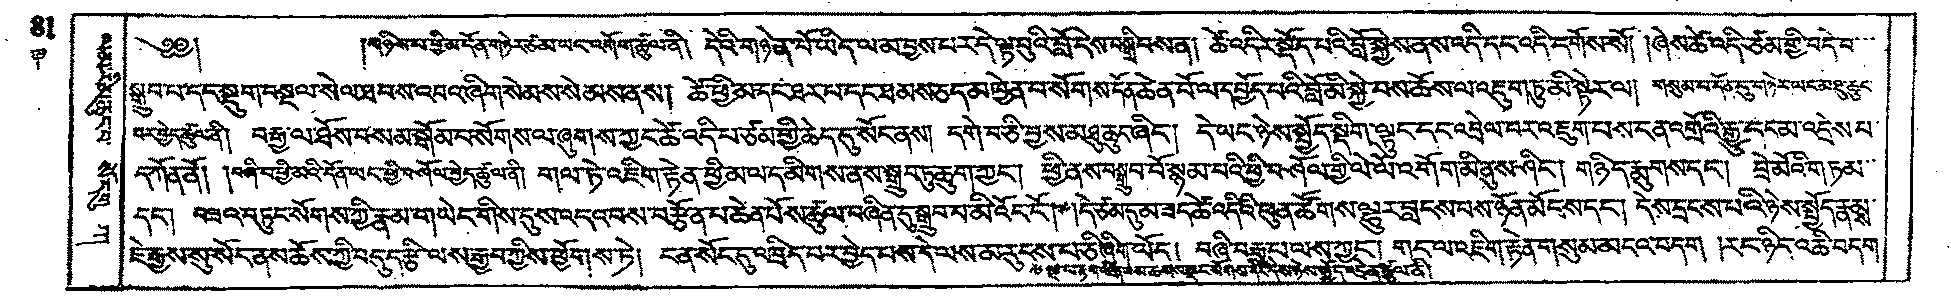༄༅། ། གཉིས་པ་ཕྱི་མ་དོན་གཉེར་ཙམ་ཡང་འགོག་ཚུལ་ནི།  དེའི་གཉེན་པོ་ཡིད་ལ་མ་བྱས་པར་དེ་ལྟ་བུའི་བློ་དེས་བསྒྲིབས་ན། ཚེ་འདིར་སྡོད་པའི་བློ་སྐྱེས་ནས་འདི་དང་འདི་དགོས་སོ། །ཞེས་ཚེ་འདི་ཙམ་གྱི་བདེ་བ་
སྒྲུབ་པ་དང་སྡུག་བསྔལ་སེལ་ཐབས་འབའ་ཞིག་སེམས་སེམས་ནས། ཚེ་ཕྱི་མ་དང་ཐར་པ་དང་ཐམས་ཅད་མཁྱེན་པ་སོགས་དོན་ཆེན་པོ་ལ་དཔྱོད་པའི་བློ་མི་སྐྱེ་བས་ཆོས་ལ་འཇུག་ཏུ་མི་སྟེར་ལ། གསུམ་པ་དོན་དུ་གཉེར་ཡང་མཐུ་ཆུང་
བར་བྱེད་ཚུལ་ནི། བརྒྱ་ལ་ཐོས་བསམ་སྒོམ་པ་སོགས་ལ་ཞུགས་ཀྱང་ཚེ་འདི་པ་ཙམ་གྱི་ཆེད་དུ་སོང་ནས། དགེ་བ་ཅི་བྱས་མཐུ་ཆུང་ཞིང་། དེ་ཡང་ཉེས་སྤྱོད་སྡིག་ལྟུང་དང་འབྲེལ་བར་འཇུག་པས་ངན་འགྲོའི་རྒྱུ་དང་མ་འདྲེས་པ་
དཀོན་ནོ། ། བཞི་པ་ཕྱི་མའི་དོན་ཡང་ཕྱི་བཤོལ་བྱེད་ཚུལ་ནི།  གལ་ཏེ་འཇིག་རྟེན་ཕྱི་མ་ལ་དམིགས་ནས་སྒྲུབ་ཏུ་ཆུག་ཀྱང་། ཕྱི་ནས་བསྒྲུབ་བོ་སྙམ་པའི་ཕྱི་བཤོལ་གྱི་ལེ་ལོ་འགོག་མི་ནུས་ཤིང་། གཉིད་རྨུགས་དང་། བྲེ་མོའི་གཏམ་
དང་། བཟའ་བཏུང་སོགས་ཀྱི་རྣམ་གཡེང་གིས་དུས་འདའ་བས་བརྩོན་པ་ཆེན་པོས་ཚུལ་བཞིན་དུ་སྒྲུབ་པ་མི་འོང་ངོ། །དེ་ཙམ་དུ་མ་ཟད་ཚེ་འདིའི་ཕུན་ཚོགས་ལྷུར་བླངས་པས་ཉོན་མོངས་དང་། དེས་དྲངས་པའི་ཉེས་སྤྱོད་རྣམས་
ཇེ་རྒྱས་སུ་སོང་ནས་ཆོས་ཀྱི་བདུད་རྩི་ལས་རྦྱབ་ཀྱིས་ཕྱོགས་ཏེ། ངན་སོང་དུ་འཁྲོད་པར་བྱེད་པས་དེ་ལས་མ་རུངས་པ་ཅི་ཞིག་ཡོད། བཞི་བགྱ་པ་ལས་ཀྱང་། གང་ལ་འཇིག་རྟེན་གསུམ་མངའ་བདག་རང་ཉིད་འཆི་བདག་